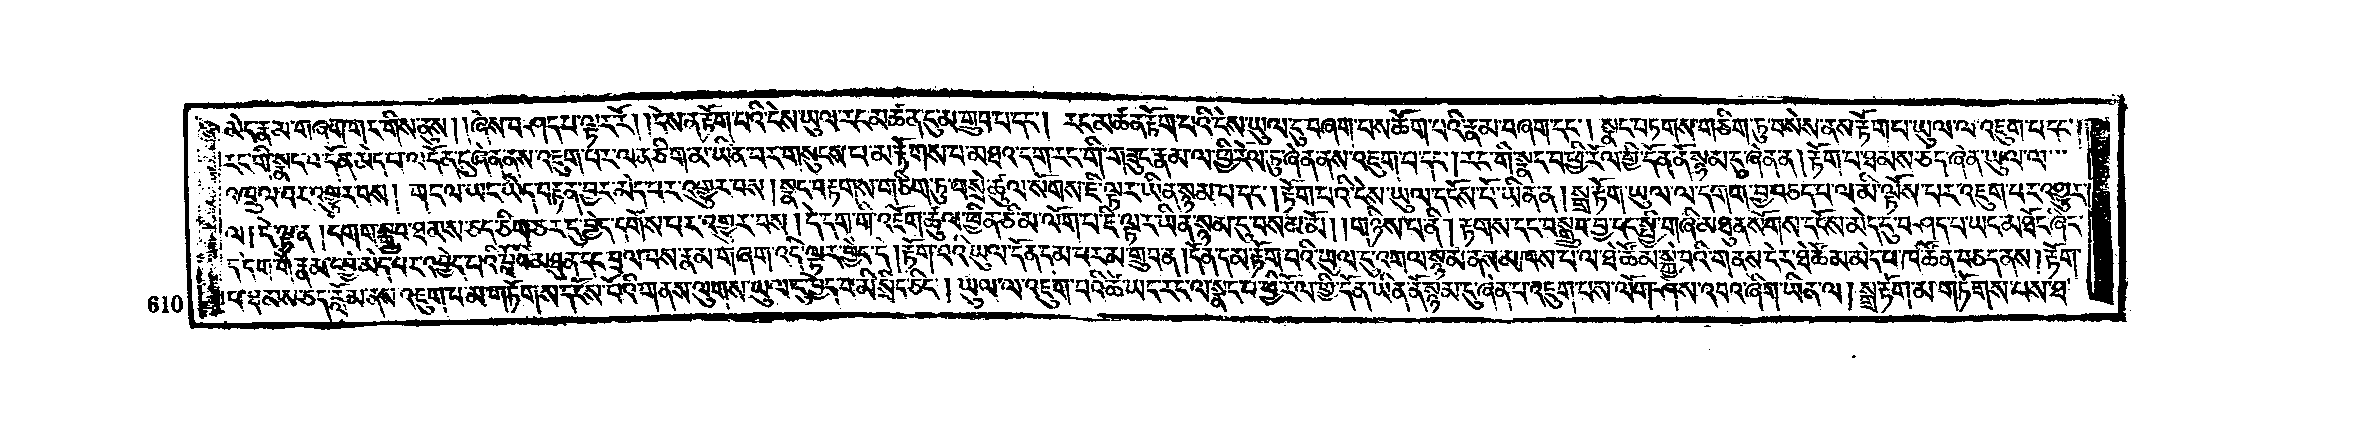མེད་རྣམ་གཞག་གར་གིས་ནུས། ཞེས་བཤད་པ་ལྟར་རོ། །དེས་ན་རྟོག་པའི་ངེས་ཡུལ་རང་མཚན་དུ་མ་གྲུབ་པ་དང་། རང་མཚན་རྟོག་པའི་ངེས་ཡུལ་དུ་བཞག་པས་ཆོག་པའི་རྣམ་བཞག་དང་། སྣང་བཏགས་གཅིག་ཏུ་བསྲེས་ནས་རྟོག་པ་ཡུལ་ལ་འཇུག་པ་དང་།
རང་གི་སྣང་བ་དོན་མེད་པ་ལ་དོན་དུ་ཞེན་ནས་འཇུག་པར་ལན་ཅིག་མ་ཡིན་པར་གསུངས་པ་དེའི་མ་རྟོགས་པ་མཐའ་དག་རང་གི་གཟུང་རྣམ་ལ་ཕྱི་རོལ་ཏུ་ཞེན་ནས་འཇུག་པ་དང་། རང་གི་སྣང་བ་ཕྱི་རོལ་གྱི་དོན་ནོ་སྙམ་དུ་ཞེན་ན། རྟོག་པ་ཐམས་ཅད་ཞེན་ཡུལ་ལ་
འཁྲུལ་པར་འགྱུར་བས། གང་ལ་ཡང་ཡིད་བརྟན་བྱར་མེད་པར་འགྱུར་བས། སྣང་བ་རྟགས་གཅིག་ཏུ་བསྲེ་ཚུལ་སོགས་ཇི་ལར་ཡིན་སྙམ་པ་དང་། རྟོག་པའི་ངེས་ཡུལ་དངོས་པོ་ཡིན་ན། སྒྲ་རྟོག་ཡུལ་ལ་དགག་བྱ་བཅད་པ་ལ་མི་ལྟོས་པར་འཇུག་པར་འགྱུར་
ལ༑ དེ་ལྟ་ན། དགག་སྒྲུབ་ཐམས་ཅད་ཅིག་ཅར་དུ་བྱེད་དགོས་པར་འགྱུར་བས། དེ་དག་གི་འཇོག་ཚུལ་ཕྱིན་ཅི་མ་ལོག་པ་ཇི་ལྟར་ཡིན་སྙམ་དུ་བསམ་མོ། །གཉིས་པ་ནི། རྟགས་དང་བསྒྲུབ་བྱ་དང་སྤྱི་གཞི་མཐུན་སོགས་དངོས་མེད་དུ་བཤད་པ་ཡང་མཐོང་ཞིང་
དེ་དག་གི་རྣམ་དབྱེ་མེད་པར་འབྱེད་པའི་བློའི་མཐུན་དང་བྲལ་བས་རྣམ་གཞག་འདི་ལྟར་བྱེད་དེ། རྟོག་པའི་ཡུལ་དོན་དམ་པར་མ་གྲུབ་ན། དོན་དམ་རྟོག་པའི་ཡུལ་དུ་འགལ་སྙམ་ནས་མཁས་པ་ལ་ཐེ་ཚོམ་སྐྱེ་བའི་གནས་དེར་ཐེ་ཚོམ་མེད་པ་ཁ་ཚོན་བཅད་ནས། རྟོག་
པ་ཐམས་ཅད་རློམ་ནས་འཇུག་པ་མ་གཏོགས་དངོས་པོའི་གནས་ལུགས་ཡུལ་དུ་བྱེད་པ་མི་སྲིད་ཅིང་། ཡུལ་ལ་འཇུག་པའི་ཚེ་ཡང་རང་ལ་སྣང་བ་ཕྱི་རོལ་གྱི་དོན་ཡིན་ནོ་སྙམ་དུ་ཞེན་པ་འཇུག་པས་ལོག་ཤེས་འབའ་ཞིག་ཡིན་ལ། སྒྲ་རྟོག་མ་གཏོགས་པས་ཐ་